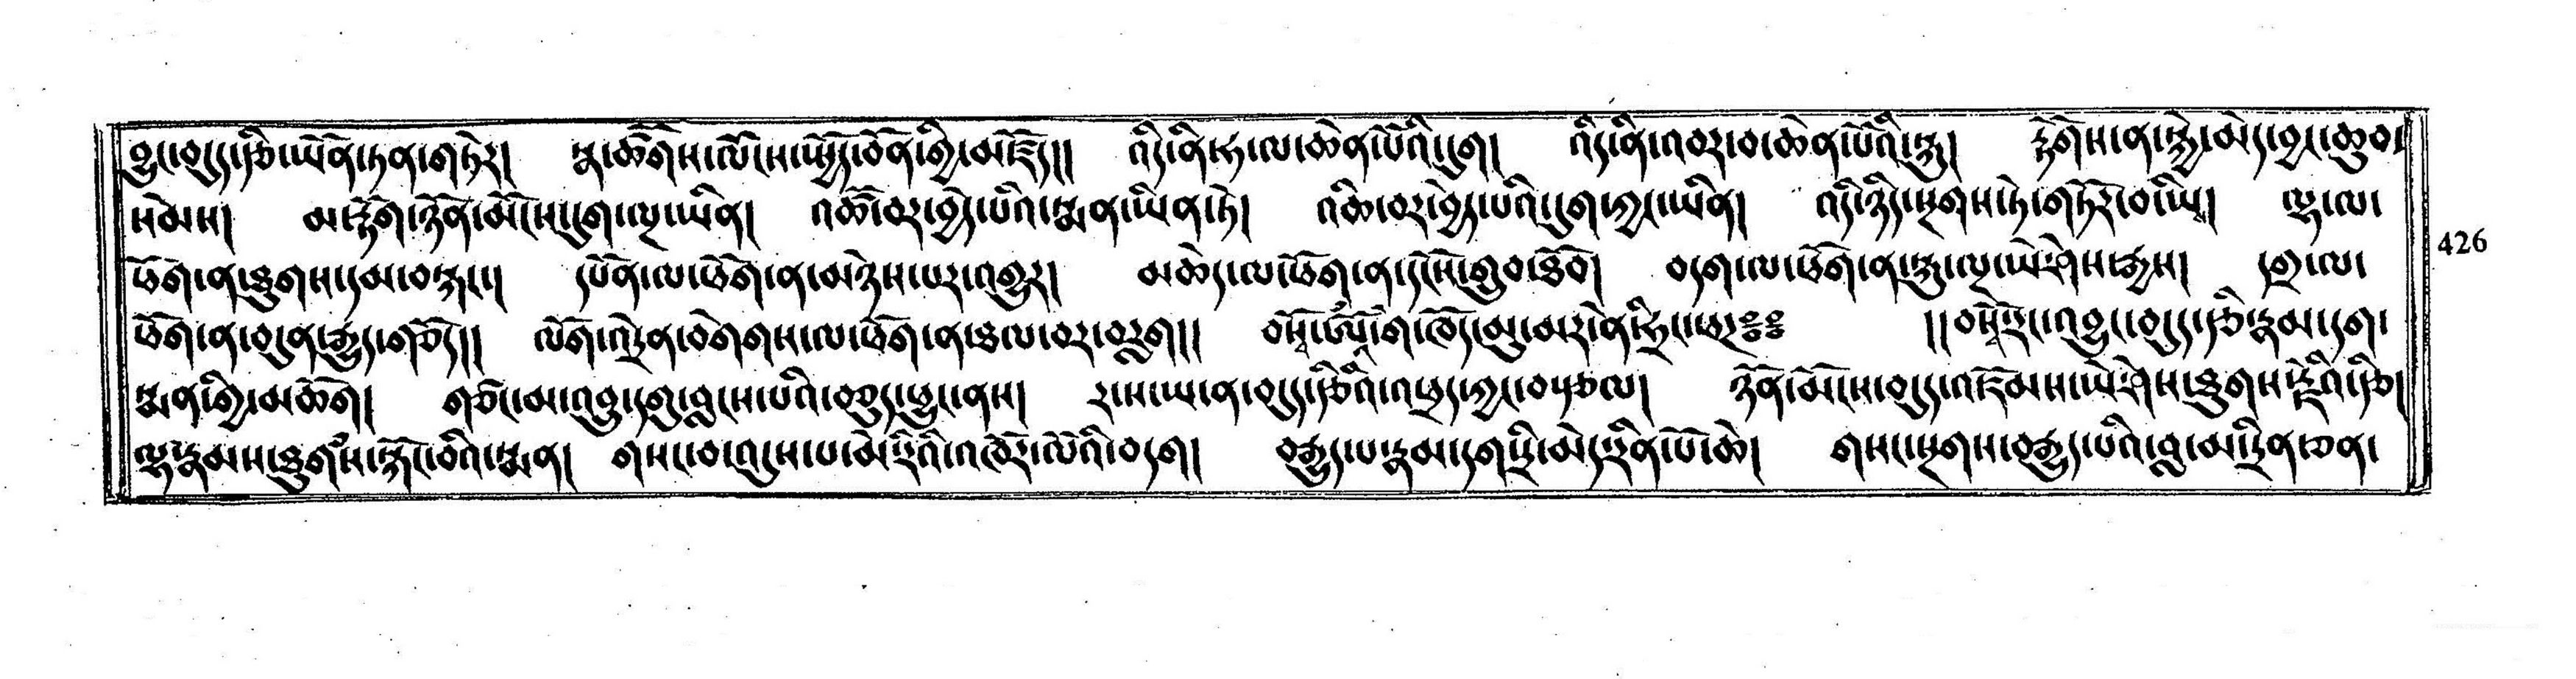བྱུང་བདུད་རྩི་ཡོན་ཏན་གཏེར། སྣ་ཚོགས་ལོངས་སྤྱོད་བོན་གྱི་མཛོད།། འདི་ནི་ཧ་ལ་ཆེན་པོའི་དུག འདི་ནི་འབར་བ་ཆེན་པོའི་སྐུ། རྟོགས་ན་སྐྱེ་མེད་བྱང་ཆུབ་
སེམས། མ་རྟོགས་ཉོན་མོངས་དུག་ལྔ་ཡིན། འཚོ་བར་བྱེད་པའི་སྨན་ཡིན་ཏེ། འཆི་བར་བྱེད་པའི་དུག་ཀྱང་ཡིན། འདི་ཉིད་སྔགས་ཏེ་གཏོར་བ་ཡིས། ལྷ་ལ་
ཕོག་ན་ཐུགས་དམ་བསྐང་། དཔོན་ལ་ཕོག་ན་མཉེས་པར་འགྱུར། མཆེད་ལ་ཕོག་ན་དངོས་གྲུབ་ཐོབ། བདག་ལ་ཕོག་ན་སྐུ་ལྔ་ཡེ་ཤེས་རྒྱས། དགྲ་ལ་
ཕོག་ན་བདུན་རྒྱུད་གཅོད།། ལོག་འདྲེན་བགེགས་ལ་ཕོག་ན་ཐལ་བར་བརླག བསྭོ་ཨཱོཾ་གེ་ཁོད་མུ་མར་ནེ་ཧྲིང་ཕཊ༔༔ །།བསྭོ་རང་འབྱུང་བདུད་རྩི་རྣམ་དག་
སྨན་གྱི་མཆོག གཙང་མ་འབྲུ་དགུ་བླངས་པའི་བཅུད་ཕྱུང་ནས། ར་ས་ཡ་ན་བདུད་རྩིའི་འཕྲད་ཀྱང་བསྩལ། ཉོན་མོངས་བདུད་འཇོམས་ཡེ་ཤེས་ཐུགས་རྗེའི་རྩི། 
ལྷ་རྣམས་ཐུགས་དམ་སྐོང་བའི་སྨན། གསང་བ་འདུས་པ་མེ་རིའི་འཁོར་ལོའི་བདག བརྒྱུད་པ་རྣམ་དག་དྲི་མེད་རིན་པོ་ཆེ། གསང་སྔགས་བརྒྱུད་པའི་བླ་མ་དྲིན་ཅན་